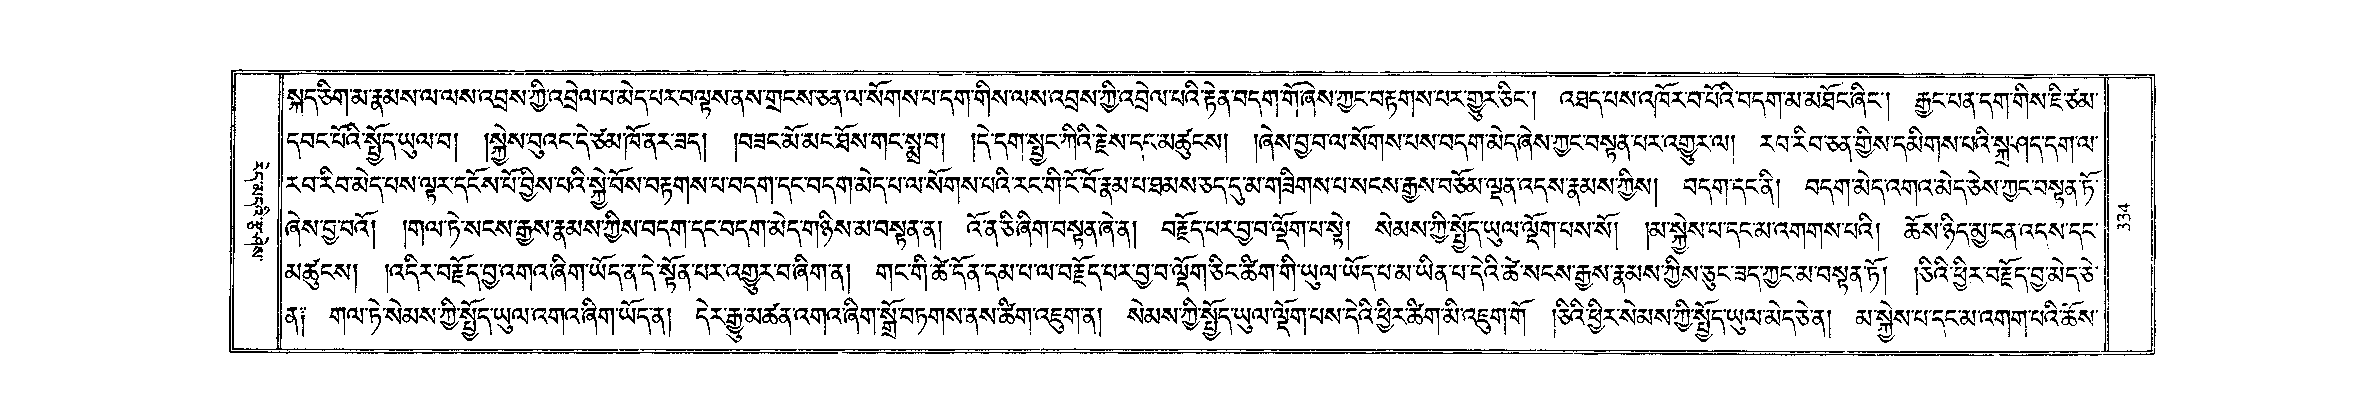སྐད་ཅིག་མ་རྣམས་ལ་ལས་འབྲས་ཀྱི་འབྲེལ་པ་མེད་པར་བལྟས་ནས་གྲངས་ཅན་ལ་སོགས་པ་དག་གིས་ལས་འབྲས་ཀྱི་འབྲེལ་པའི་རྟེན་བདག་གོ་ཞེས་ཀྱང་བརྟགས་པར་གྱུར་ཅིང་། འཐད་པས་འཁོར་བ་པོའི་བདག་མ་མཐོང་ཞིང་། རྒྱང་པན་དག་གིས་ཇི་ཙམ་
དབང་པོའི་སྤྱོད་ཡུལ་བ། །སྐྱེས་བུའང་དེ་ཙམ་ཁོ་ནར་ཟད། །བཟང་མོ་མང་ཐོས་གང་སྨྲ་བ། །དེ་དག་སྤྱང་ཀིའི་རྗེས་དང་མཚུངས། །ཞེས་བྱ་བ་ལ་སོགས་པས་བདག་མེད་ཞེས་ཀྱང་བསྟན་པར་འགྱུར་ལ། རབ་རིབ་ཅན་གྱིས་དམིགས་པའི་སྐྲ་ཤད་དག་ལ་
རབ་རིབ་མེད་པས་ལྟར་དངོས་པོ་བྱིས་པའི་སྐྱེ་བོས་བརྟགས་པ་བདག་དང་བདག་མེད་པ་ལ་སོགས་པའི་རང་གི་ངོ་བོ་རྣམ་པ་ཐམས་ཅད་དུ་མ་གཟིགས་པ་སངས་རྒྱས་བཅོམ་ལྡན་འདས་རྣམས་ཀྱིས། བདག་དང་ནི། བདག་མེད་འགའ་མེད་ཅེས་ཀྱང་བསྟན་ཏོ་
ཞེས་བྱ་བའོ། །གལ་ཏེ་སངས་རྒྱས་རྣམས་ཀྱིས་བདག་དང་བདག་མེད་གཉིས་མ་བསྟན་ན། འོ་ན་ཅི་ཞིག་བསྟན་ཞེ་ན། བརྗོད་པར་བྱ་བ་ལྡོག་པ་སྟེ། སེམས་ཀྱི་སྤྱོད་ཡུལ་ལྡོག་པས་སོ། །མ་སྐྱེས་པ་དང་མ་འགགས་པའི། ཆོས་ཉིད་མྱ་ངན་འདས་དང་
མཚུངས། །འདིར་བརྗོད་བྱ་འགའ་ཞིག་ཡོད་ན་དེ་སྟོན་པར་འགྱུར་བ་ཞིག་ན། གང་གི་ཚེ་དོན་དམ་པ་ལ་བརྗོད་པར་བྱ་བ་ལྡོག་ཅིང་ཚིག་གི་ཡུལ་ཡོད་པ་མ་ཡིན་པ་དེའི་ཚེ་སངས་རྒྱས་རྣམས་ཀྱིས་ཅུང་ཟད་ཀྱང་མ་བསྟན་ཏོ། །ཅིའི་ཕྱིར་བརྗོད་བྱ་མེད་ཅེ་
ན༑ གལ་ཏེ་སེམས་ཀྱི་སྤྱོད་ཡུལ་འགའ་ཞིག་ཡོད་ན། དེར་རྒྱུ་མཚན་འགའ་ཞིག་སྒྲོ་བཏགས་ནས་ཚིག་འཇུག་ན། སེམས་ཀྱི་སྤྱོད་ཡུལ་ལྡོག་པས་དེའི་ཕྱིར་ཚིག་མི་འཇུག་གོ །ཅིའི་ཕྱིར་སེམས་ཀྱི་སྤྱོད་ཡུལ་མེད་ཅེ་ན། མ་སྐྱེས་པ་དང་མ་འགག་པའི་ཆོས་